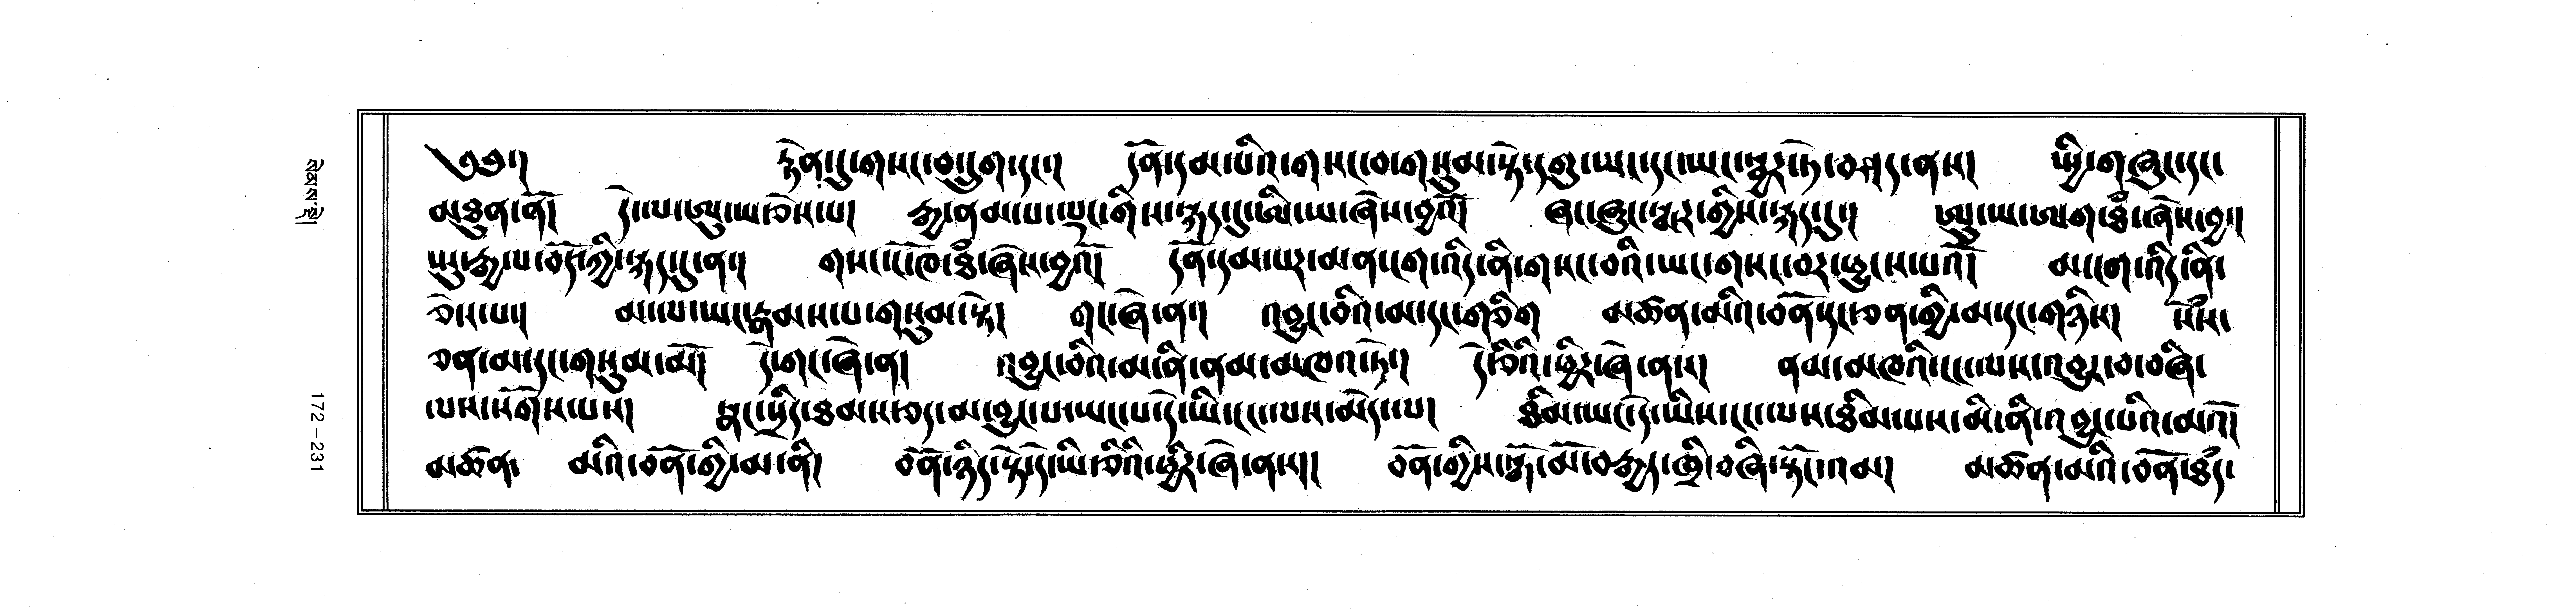རྟེན་དུ་གསང་བ་དྲུག་དང་། དོན་དམ་པའི་གསང་བ་གསུམ་སྟེ་དགུ་ཡང་དང་ཡང་སྦྱར་ཏེ་བཤད་ནས། སྤྱི་གཞུང་དང་
མཐུན་ནོ། དེ་ལ་ཨུ་ཡ་ཅེས་པ། རྒྱ་ནམ་པ་ལྡང་གིས་སྐད་དུ་ཨི་ཡ་ཞེས་བྱའོ། ཞང་ཞུང་སྨར་གྱིས་སྐད་དུ། ཨུ་མ་ཨག་ཐམ་ཞེས་བྱ། 
སྤུ་རྒྱལ་བོད་ཀྱི་སྐད་དུ་ན། གསང་ངོ་ཁ་ཐམ་ཞེས་བྱའོ། དོན་དམ་པར་མན་ངག་འདི་ནི་གསང་བའི་ཡང་གསང་བར་ཕྱུངས་པའོ། མ་ངག་འདི་ནི་
ཅེས་པ། མ་ལ་ཡང་རྣམ་པ་གསུམ་སྟེ། གང་ཞེ་ན། འབྱུང་བའི་མ་དང་གཅིག མཚན་མའི་བོན་དང་ཅན་གྱི་མ་དང་གཉིས། སེམས་
ཅན་མ་དང་གསུམ་མོ། དེ་གང་ཞེ་ན། འབྱུང་བའི་མ་ནི་ནམ་མཁའ་ཏེ། དེ་ཅིའི་ཕྱིར་ཞེ་ནས། ནམ་མཁའི་ངང་ལས་འབྱུང་བ་བཞི་
ལས་སོགས་པས། སྣང་སྲིད་ཐམས་ཅད་མ་བྱུང་པ་ཡང་པ་དེ་ཡི་ངང་ལས་མེད་ལ། ཐིམ་ཡང་དེ་ཡིས་ངང་ལས་ཐིམ་པས་མི་ནི་འབྱུང་པའི་མའོ། 
མཚན་མའི་བོན་གྱི་མ་ནི། བོན་ཉིད་སྟེ་དེ་ཡི་ཅིའི་ཕྱིར་ཞེ་ནས། བོན་གྱིས་སྒོ་མོ་བརྒྱད་ཁྲི་བཞི་སྟོང་འམ། མཚན་མའི་བོན་ཐམས་ཅད་བྱུང་ཡང་